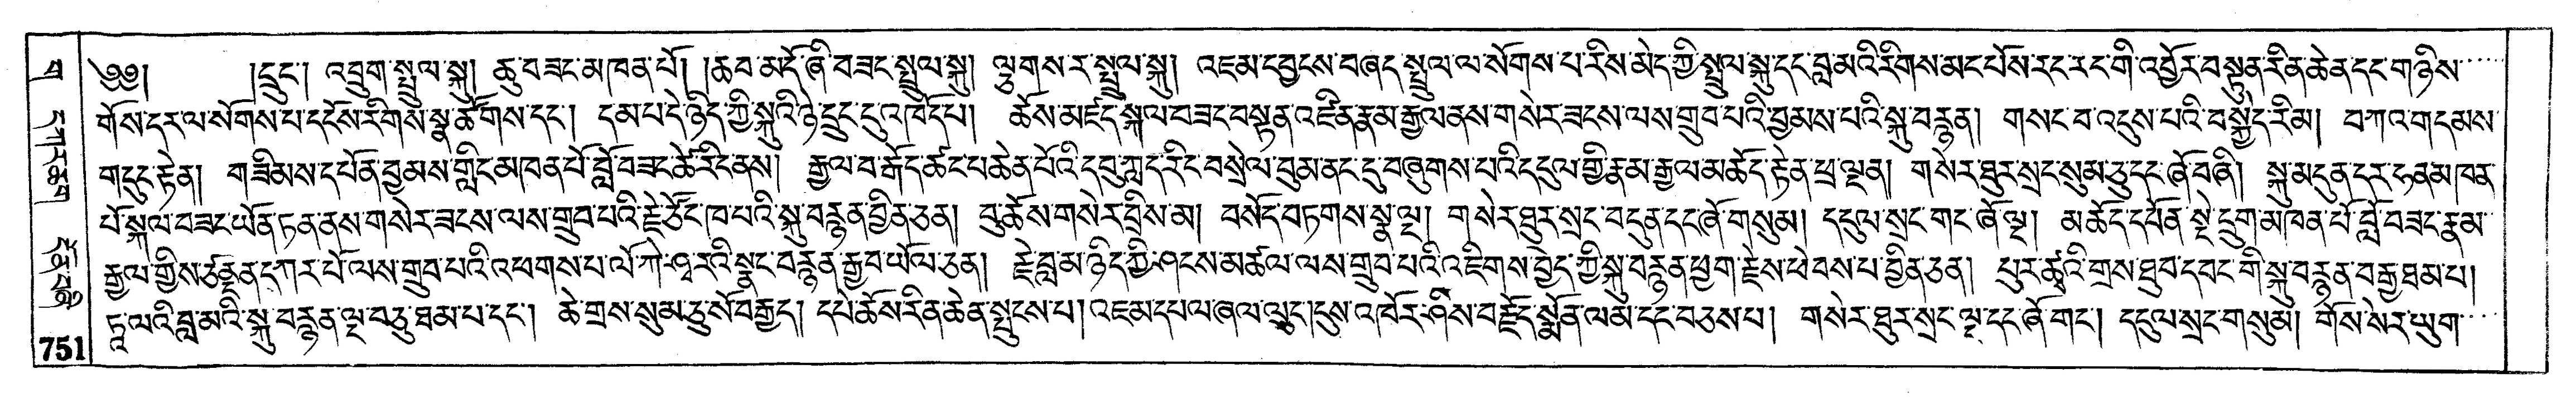༄༅། །དྲུང་། འབྲུ་སྤྲུལ་སྐུ། ཆུ་བཟང་མཁན་བོ། །ཆབ་མདོ་ཞི་བཟང་སྤྲུལ་སྐུ། ལྕགས་ར་སྤྲུལ་སྐུ། འཇམ་དབྱངས་བཞད་སྦྲུལ་ལ་སོགས་པ་རིས་མེད་ཀྱི་སྤྲུལ་སྐུ་དང་བླ་མའི་རིགས་མང་པོས་རང་རང་གི་འབྱོར་བསྟུན་རིན་ཆེན་དང་གཉིས་
གོས་དར་ལ་སོགས་བ་དངོས་རིགས་སྣ་ཚོགས་དང་། དམ་པ་དེ་ཉིད་ཀྱི་སྐུའི་ཉེ་དྲུང་དུ་འཁོད་པ། ཆོས་མཛད་སྐལ་བཟང་བསྟན་འཛིན་རྣམ་རྒྱལ་ནས་གསེར་ཟངས་ལས་གྲུབ་བའི་བྱམས་པའི་སྐུ་བརྙན། གསང་བ་འདུས་པའི་བསྐྱིད་རིམ། བཀའ་གདམས་
གདུང་རྟེན། གཟིམས་དཔོན་བྱམས་གླིང་མཁན་པོ་བློ་བཟང་ཚེ་རིང་ནས། རྒྱལ་བ་རྒོད་ཚང་པ་ཆེན་པོའི་དབུ་ཀླུད་རིང་བསྲེལ་བུམ་ནང་དུ་བཞུགས་པའི་དངུལ་གྱི་རྣམ་རྒྱལ་མཆོད་རྟེན་ཕྲ་ལྡན། གསེར་ཐུར་སྲང་སུམ་ཅུ་དང་ཞོ་བཞི། སྐུ་མདུན་དར་ཧན་མཁན་
བོ་སྐལ་བཟང་ཡོན་ཏན་ནས་གསེར་ཟངས་ལས་གྲུབ་པའི་རྗེ་ཙོང་ཁ་པའི་སྐུ་བརྙན་བྱིན་ཅན། བུ་ཆོས་གསེར་བྲིས་མ། བསོད་བཏགས་སྣ་ལྔ། གསེར་ཐུར་སྲང་བདུན་དང་ཞོ་གསུམ། དངུལ་སྲང་གང་ཞོ་ལྔ། མཆོད་དཔོན་སྡེ་དྲུག་མཁན་པོ་བློ་བཟང་རྣམ་
རྒྱལ་གྱིས་ཙནྡན་དཀར་པོ་ལས་གྲུབ་པའི་འཕགས་པ་ལོ་ཀེ་ཤྭ་རའི་སྣང་བརྙན་རྒྱབ་ཡོལ་ཅན། རྗེ་བླ་མ་ཉིད་ཀྱི་ཤངས་མཚལ་ལས་གྲུབ་པའི་འཇིགས་བྱེད་ཀྱི་སྐུ་བརྙན་ཕྱག་རྗེས་ཕེབས་བ་བྱིན་ཅན། པུར་ཚྭའི་གྲས་ཐུབ་དབང་གི་སྐུ་བརྙན་བརྒྱ་ཐམ་པ།
ཏཱ་ལའི་བླ་མའི་སྐུ་བརྙན་ལྔ་བཅུ་ཐམ་པ་དང་། ཆེ་གྲས་སུམ་ཅུ་སོ་བརྒྱད། དཔེ་ཆོས་རིན་ཆེན་སྤུངས་པ། འཇམ་དཔལ་ཞལ་ལུང་། དུས་འཁོར་ཤིས་བརྗོད་སྨོན་ལམ་དང་བཅས་བ། གསེར་ཐུར་སྲང་ལྔ་དང་ཞོ་གང་། དངུལ་སྲང་གསུ། གོས་སེར་ཡུག་